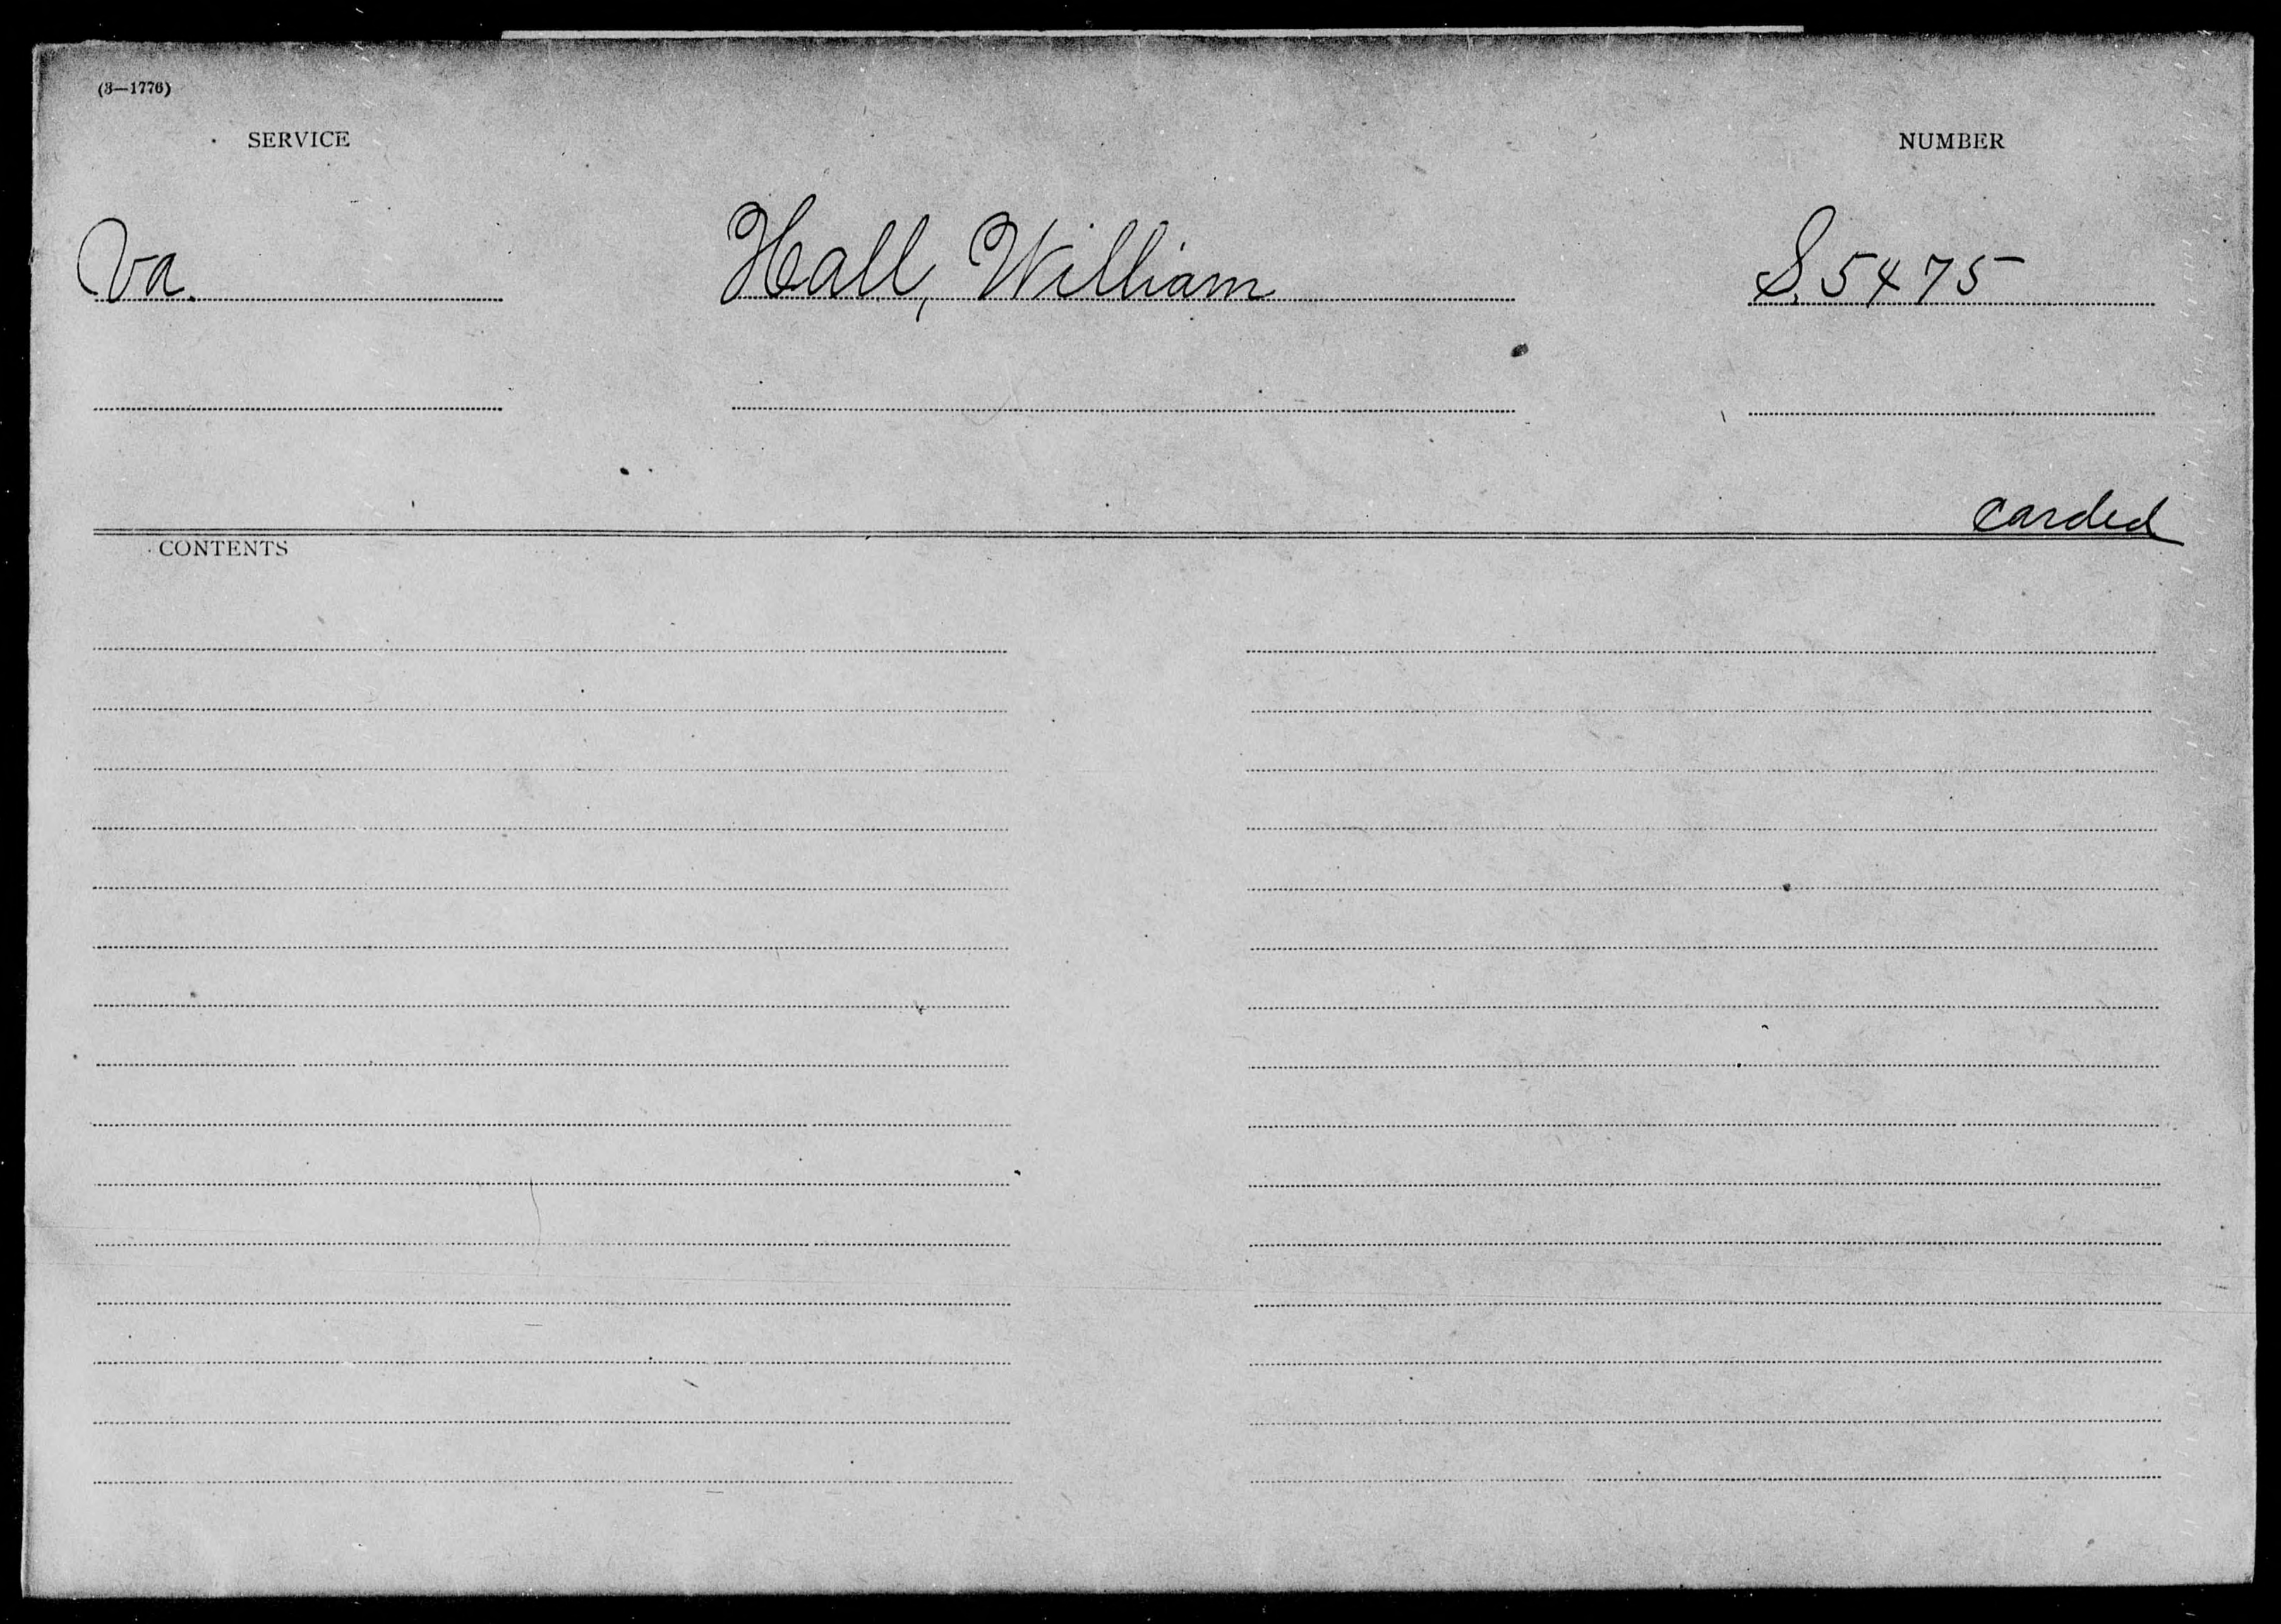(3 - 1776)

SERVICE
Va.

Hall, William

NUMBER
S. 5475

carded

CONTENTS
[blank]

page: 1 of 15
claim: survivor's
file: S. 5475, William Hall, Va.